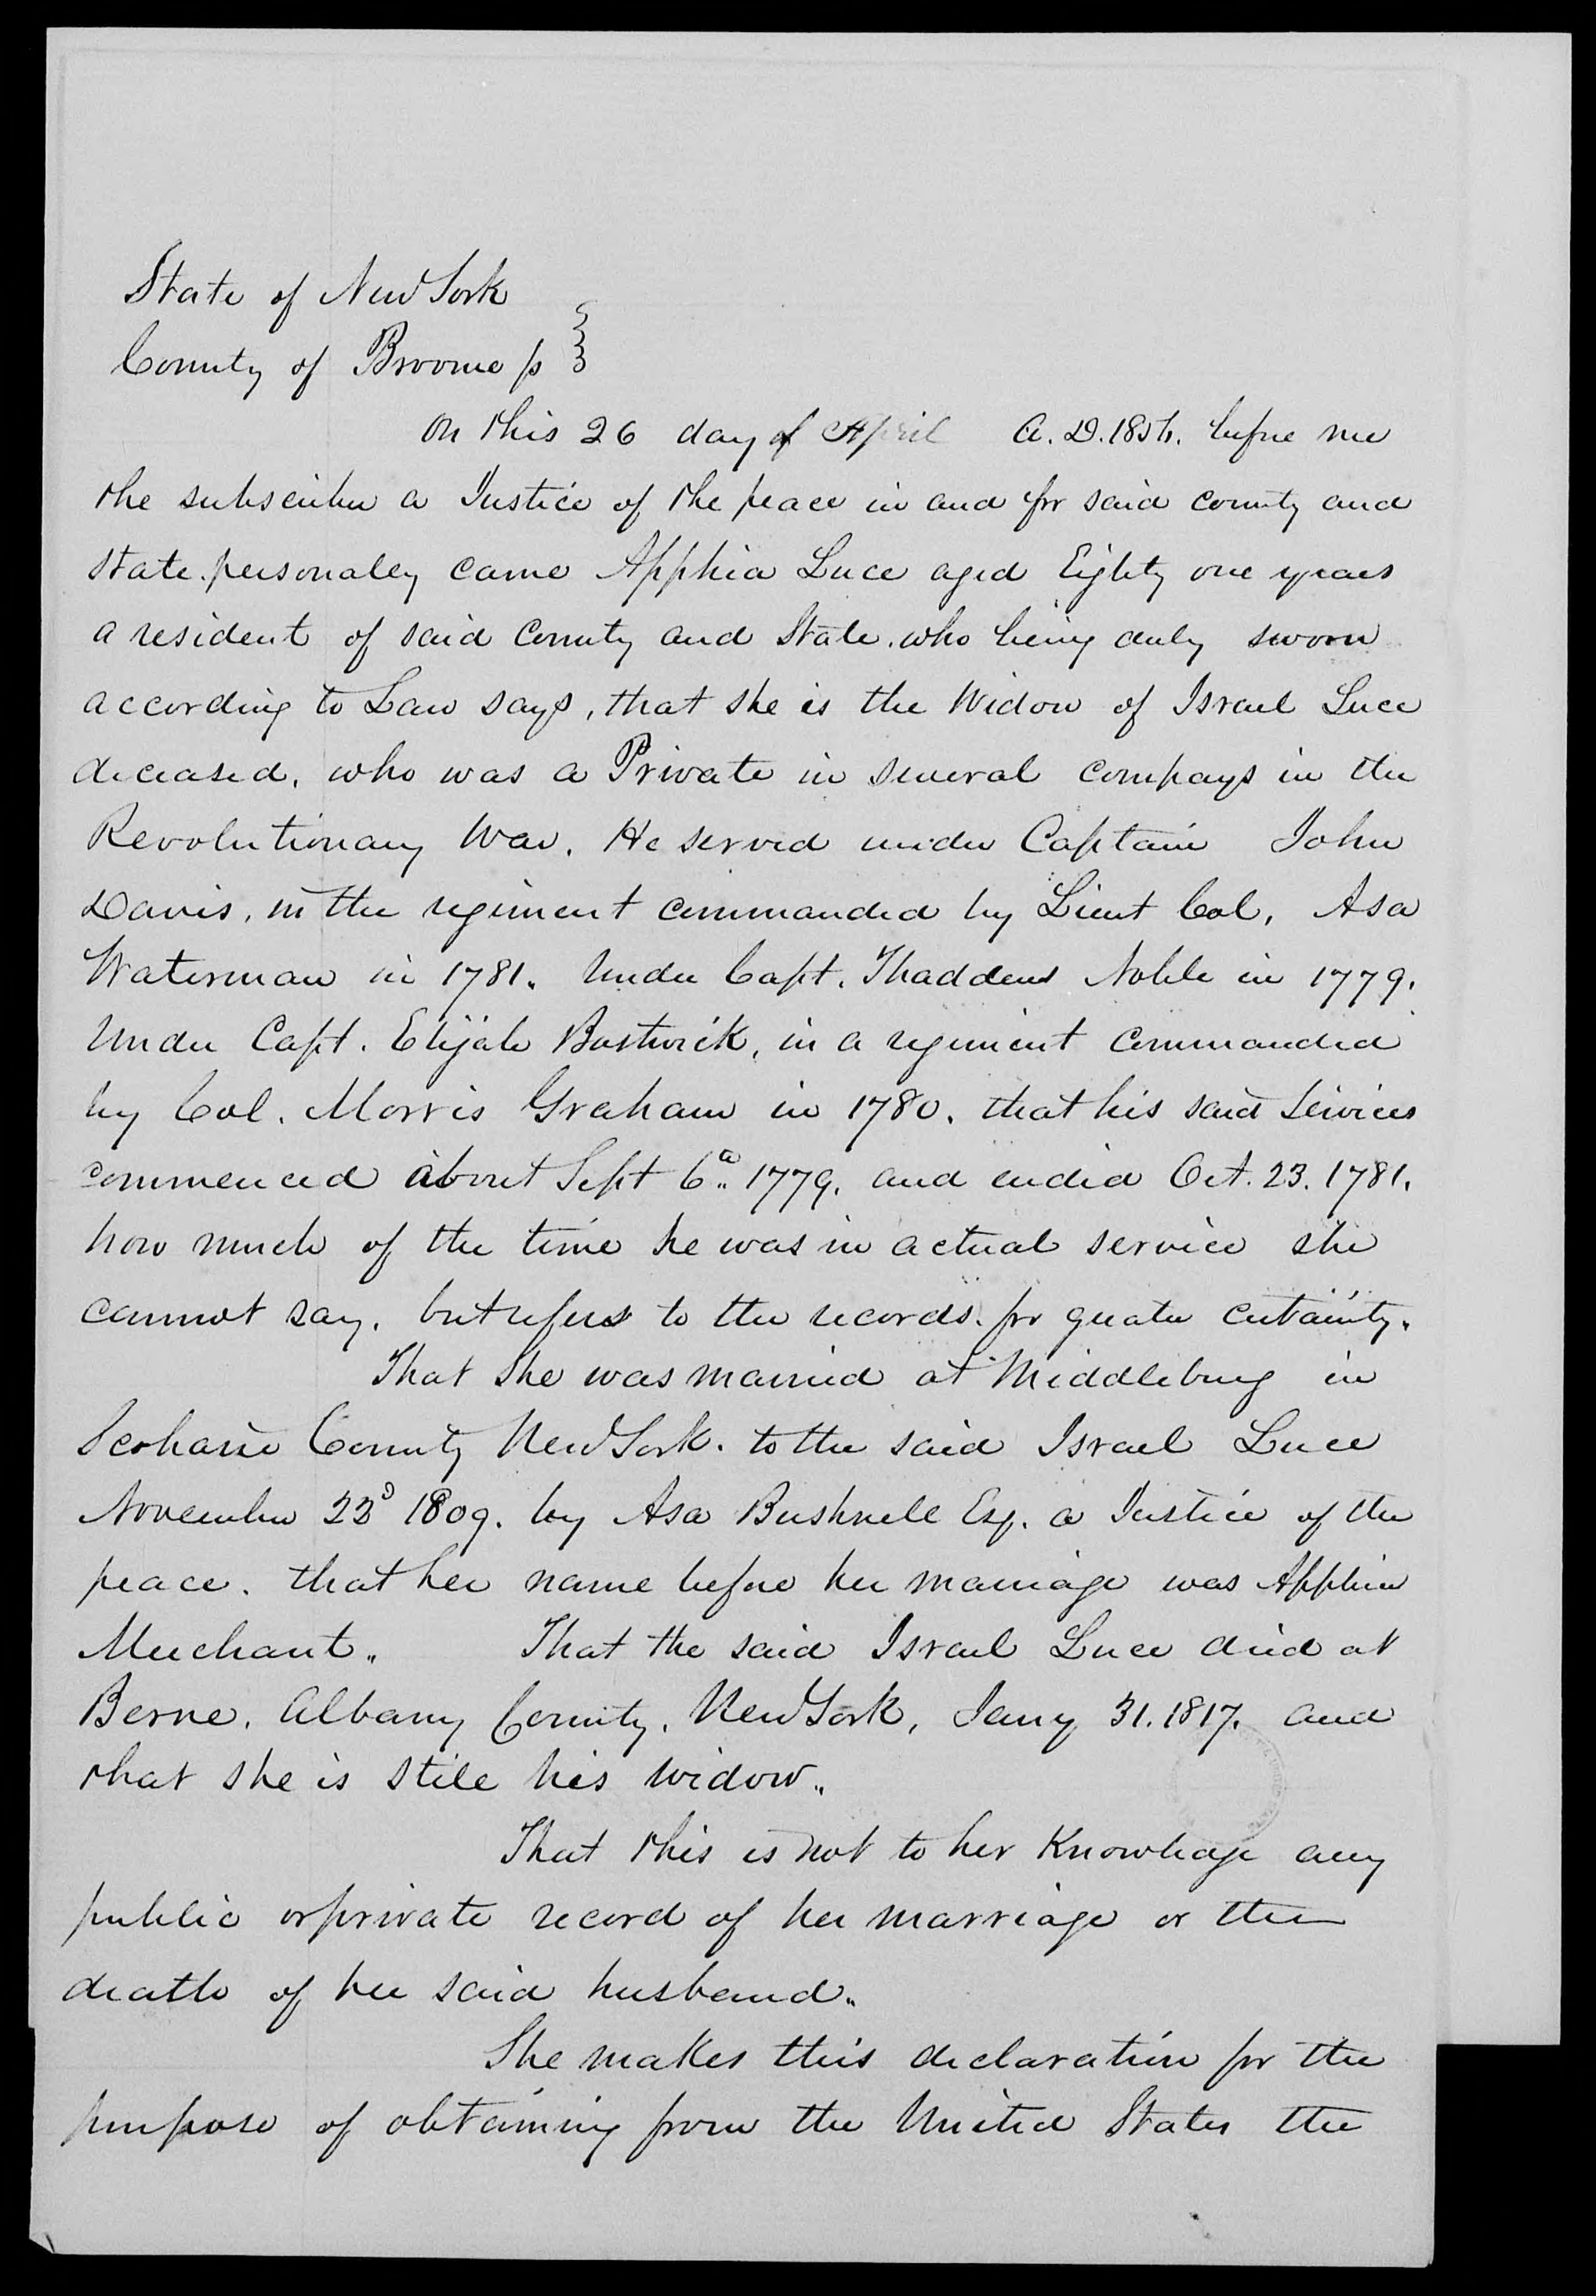State of New York
County of Broome

On this 26 day of April A.D.1856, before me the subscribed a Justice of the peace in and for said county and state personally came Apphia Luce aged Eighty one years a resident of said County and State who bein duly sworn according to Law says, that she is the widow of Israel Luce deceased, who was a Private in several companys in the Revolutionary War.  He served under Captain John Davis in the regiment commanded by Lieut Col. Asa Waterman in 1781.  Under Capt. Thaddeus Noble in 1779.  Under Capt. Elijah Bostwick in a regiment commanded by Col. Morris Graham in 1789.  that his said Services commenced about Sept 6th 1779 and ended Oct. 23 1781.  How much of the time he was in actual service she cannot say, but refers to the records for greater certainty.

That she was married at Middlebury in Scoharie County New York to the said Israel Luce November 23rd 1809 by Asa Bushnell Esq. a Justice of the peace.  that her name before her marriage was Apphia Merchant.  That the said Israel Luce died at Berne, Albany County, New York, Jan'y 31, 1817.  and that she is still his widow.

That this is not to her knowledge any public or private record of her marriage or the death of her said husband.

She makes this declaration for the purpose of obtaining from the United States the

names: John Davis; Elijah Bostwick; Asa Bushnell; Apphia Luce; Thaddeus Noble; Asa Waterman; Morris Graham; Israel Luce; Apphia Muchant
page: 10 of 70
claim: rejected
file: R. 6510, for Israel Luce, New York